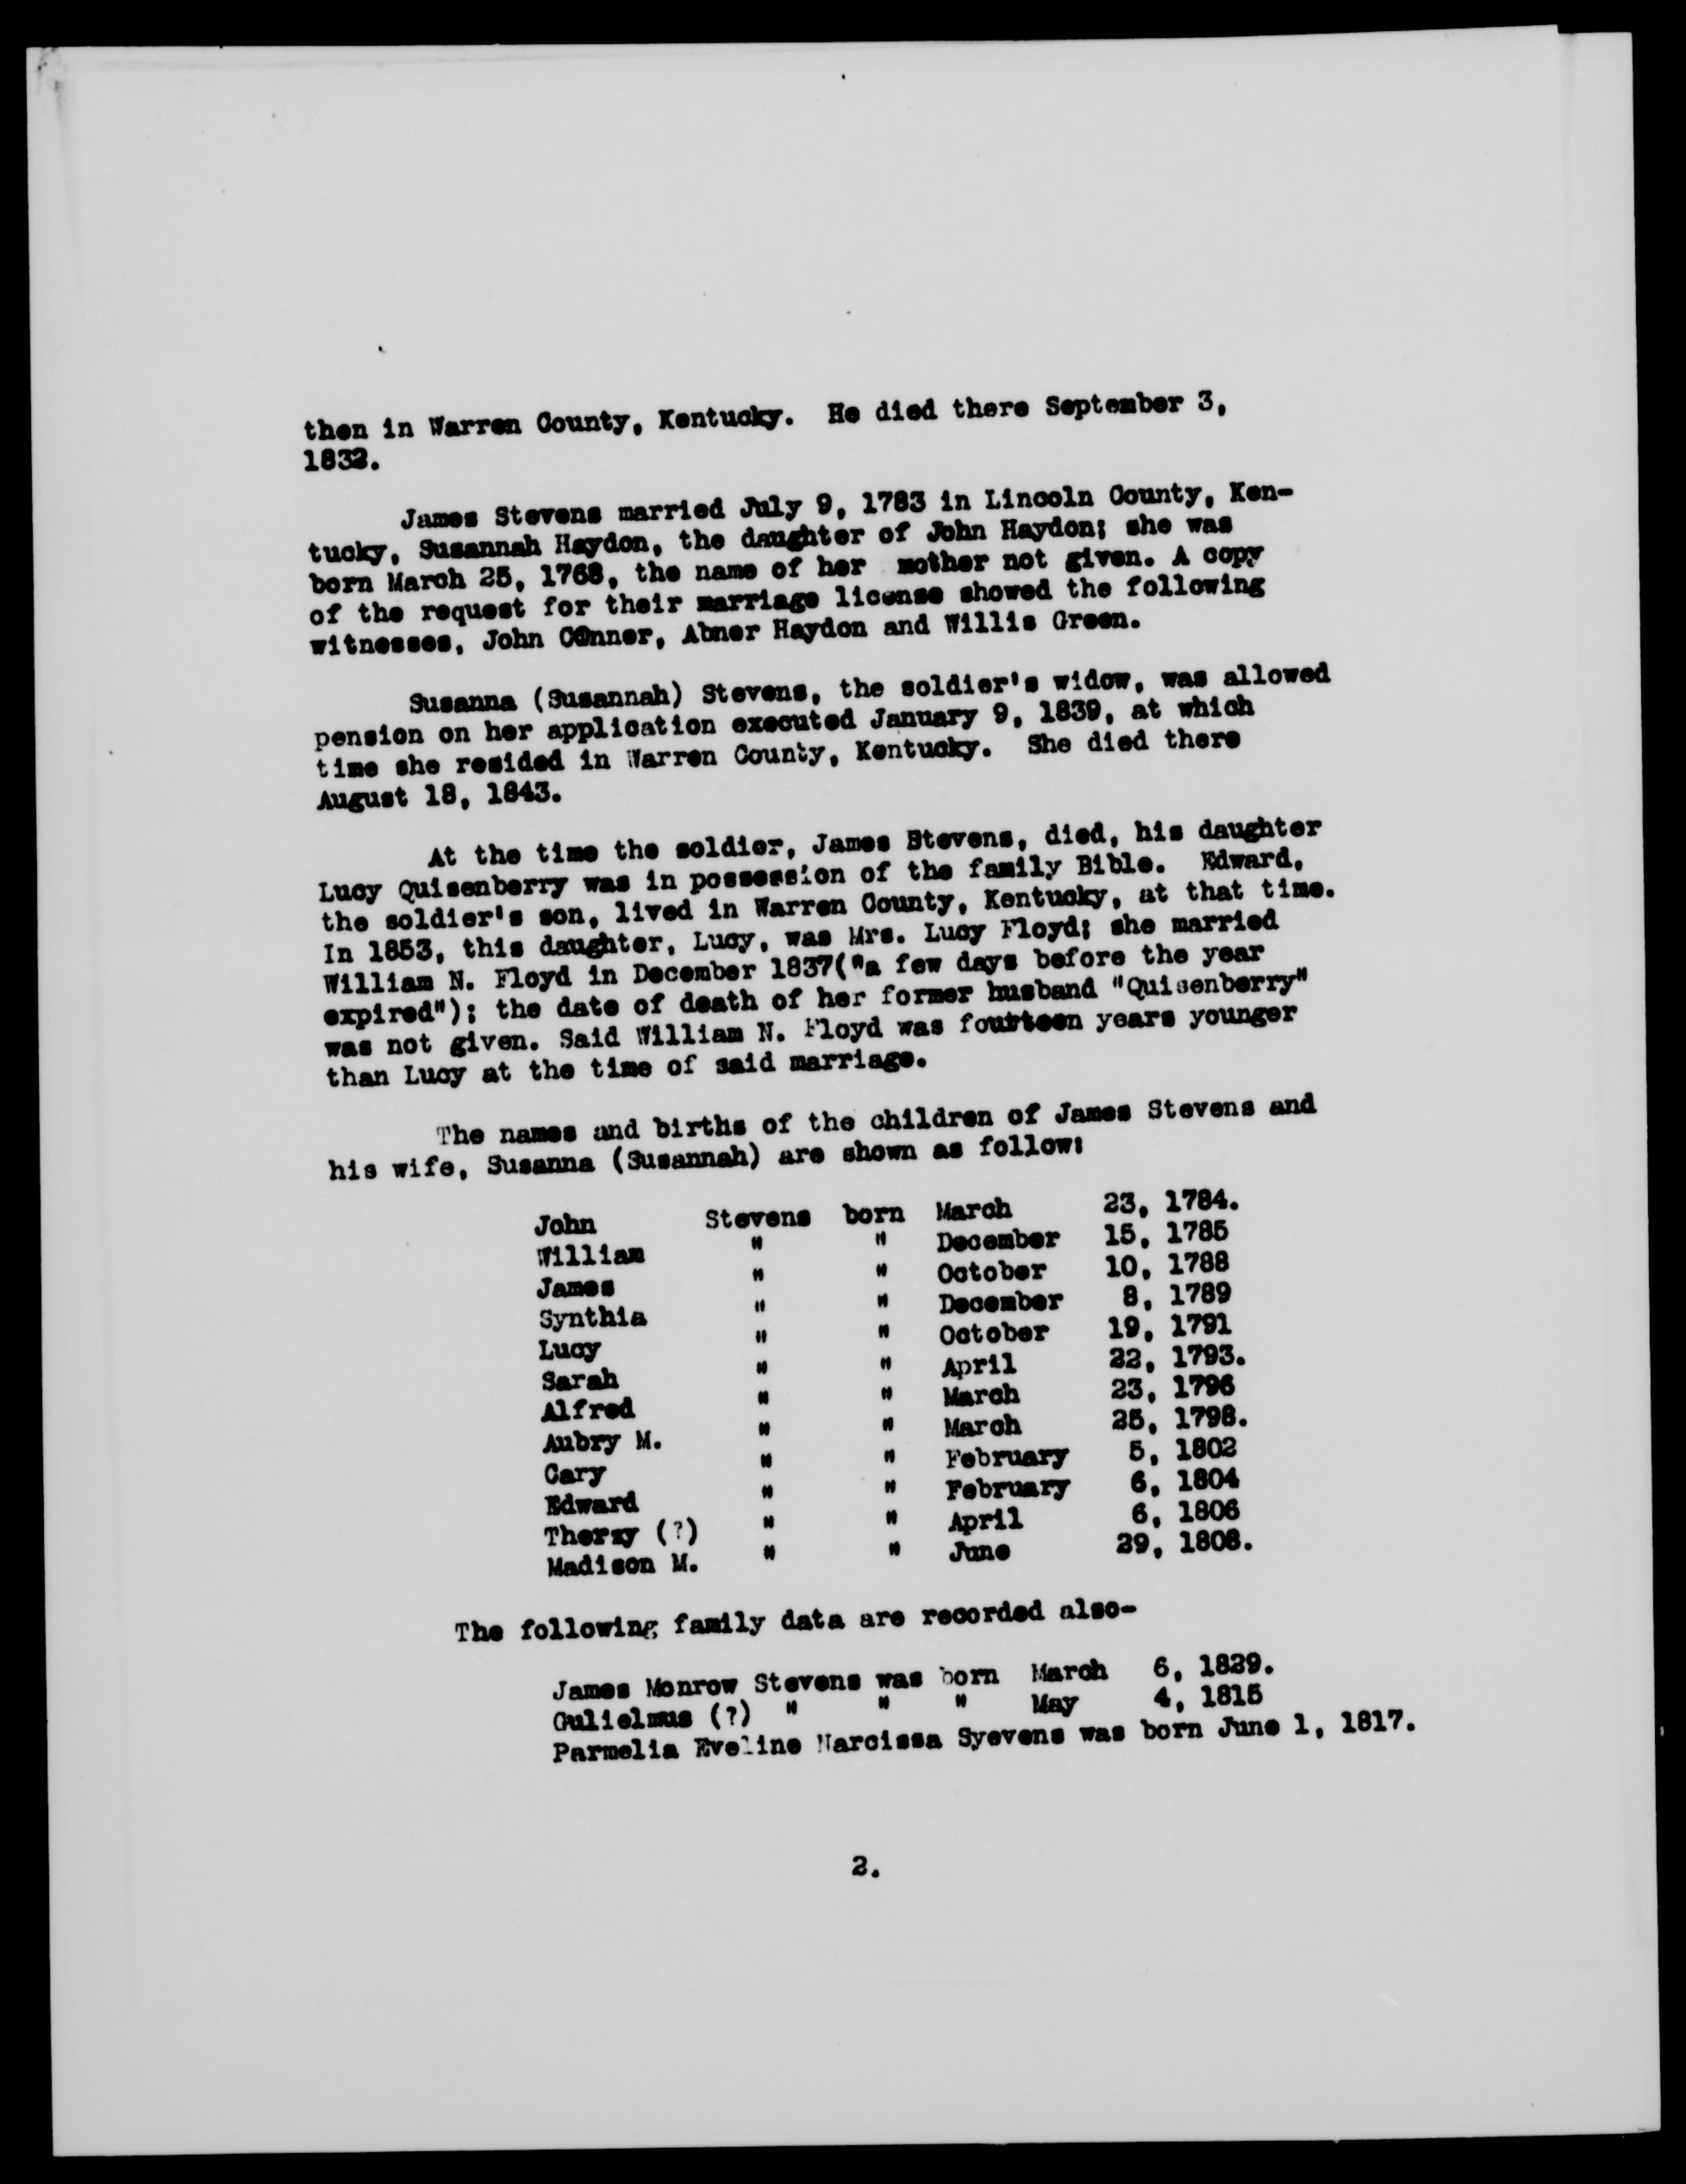then in Warren County, Kentucky. He died there September 3, 1832.
James Stevens married July 9, 1783 in Lincoln County, Kentucky , Susannah Haydon, the daughter of John Haydon; she was born March 25, 1768, the name of her mother not given. A copy of the request for their marriage license showed the following witnesses, John Conner, Abner Haydon and Willis Green.
Susanna ( Susannah ) Stevens, the soldier's widow, was allowed pension on her application executed January 9, 1839, at which time she resided in Warren County, Kentucky. She died there August 18, 1843.
At the time the soldier, James Stevens, died, his daughter Lucy Quisenberry was in possession of the family Bible. Edward, the soldier's son, lived in Warren County, Kentucky, at that time. In 1853, this daughter, Lucy, was Mrs. Lucy Floyd; she married William N. Floyd in December 1837,(" a few days before the year expired'); the date of death of her former husband "Quisenberry"
was not given. Said William N. Floyd was fourteen years younger than Lucy at the time of said marriage.
The names and births of the children of James Stevens and his wife, Susanna ( Susannah ) are shown as follow:
John     Stevens born March 23, 1784.
William    "           "     December 15, 1785
James      "           "     October 10, 1788
Synthia    "           "      December 8, 1789
Lucy        "            "     October 19, 1791
Sarah       "           "     April, 22, 1793.
Alfred      "           "      March 23,1796
Aubry M.  "          "      March 25, 1798.
Cary         "           "      February 5, 1802
Edward    "            "     February 6, 1804
Therey (?) "           "     April 6, 1806
Madison M. "        "     June 29, 1808.

The following family data are recorded also-
James Monrow Stevens was born March 6, 1829.
Gulielmus (?)          "          "    "     May 4, 1815
Parmelia Eveline Narcissa Syevens was born June 1, 1817.
2.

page: 29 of 99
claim: widow's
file: W 8766, for James Stevens, Virginia